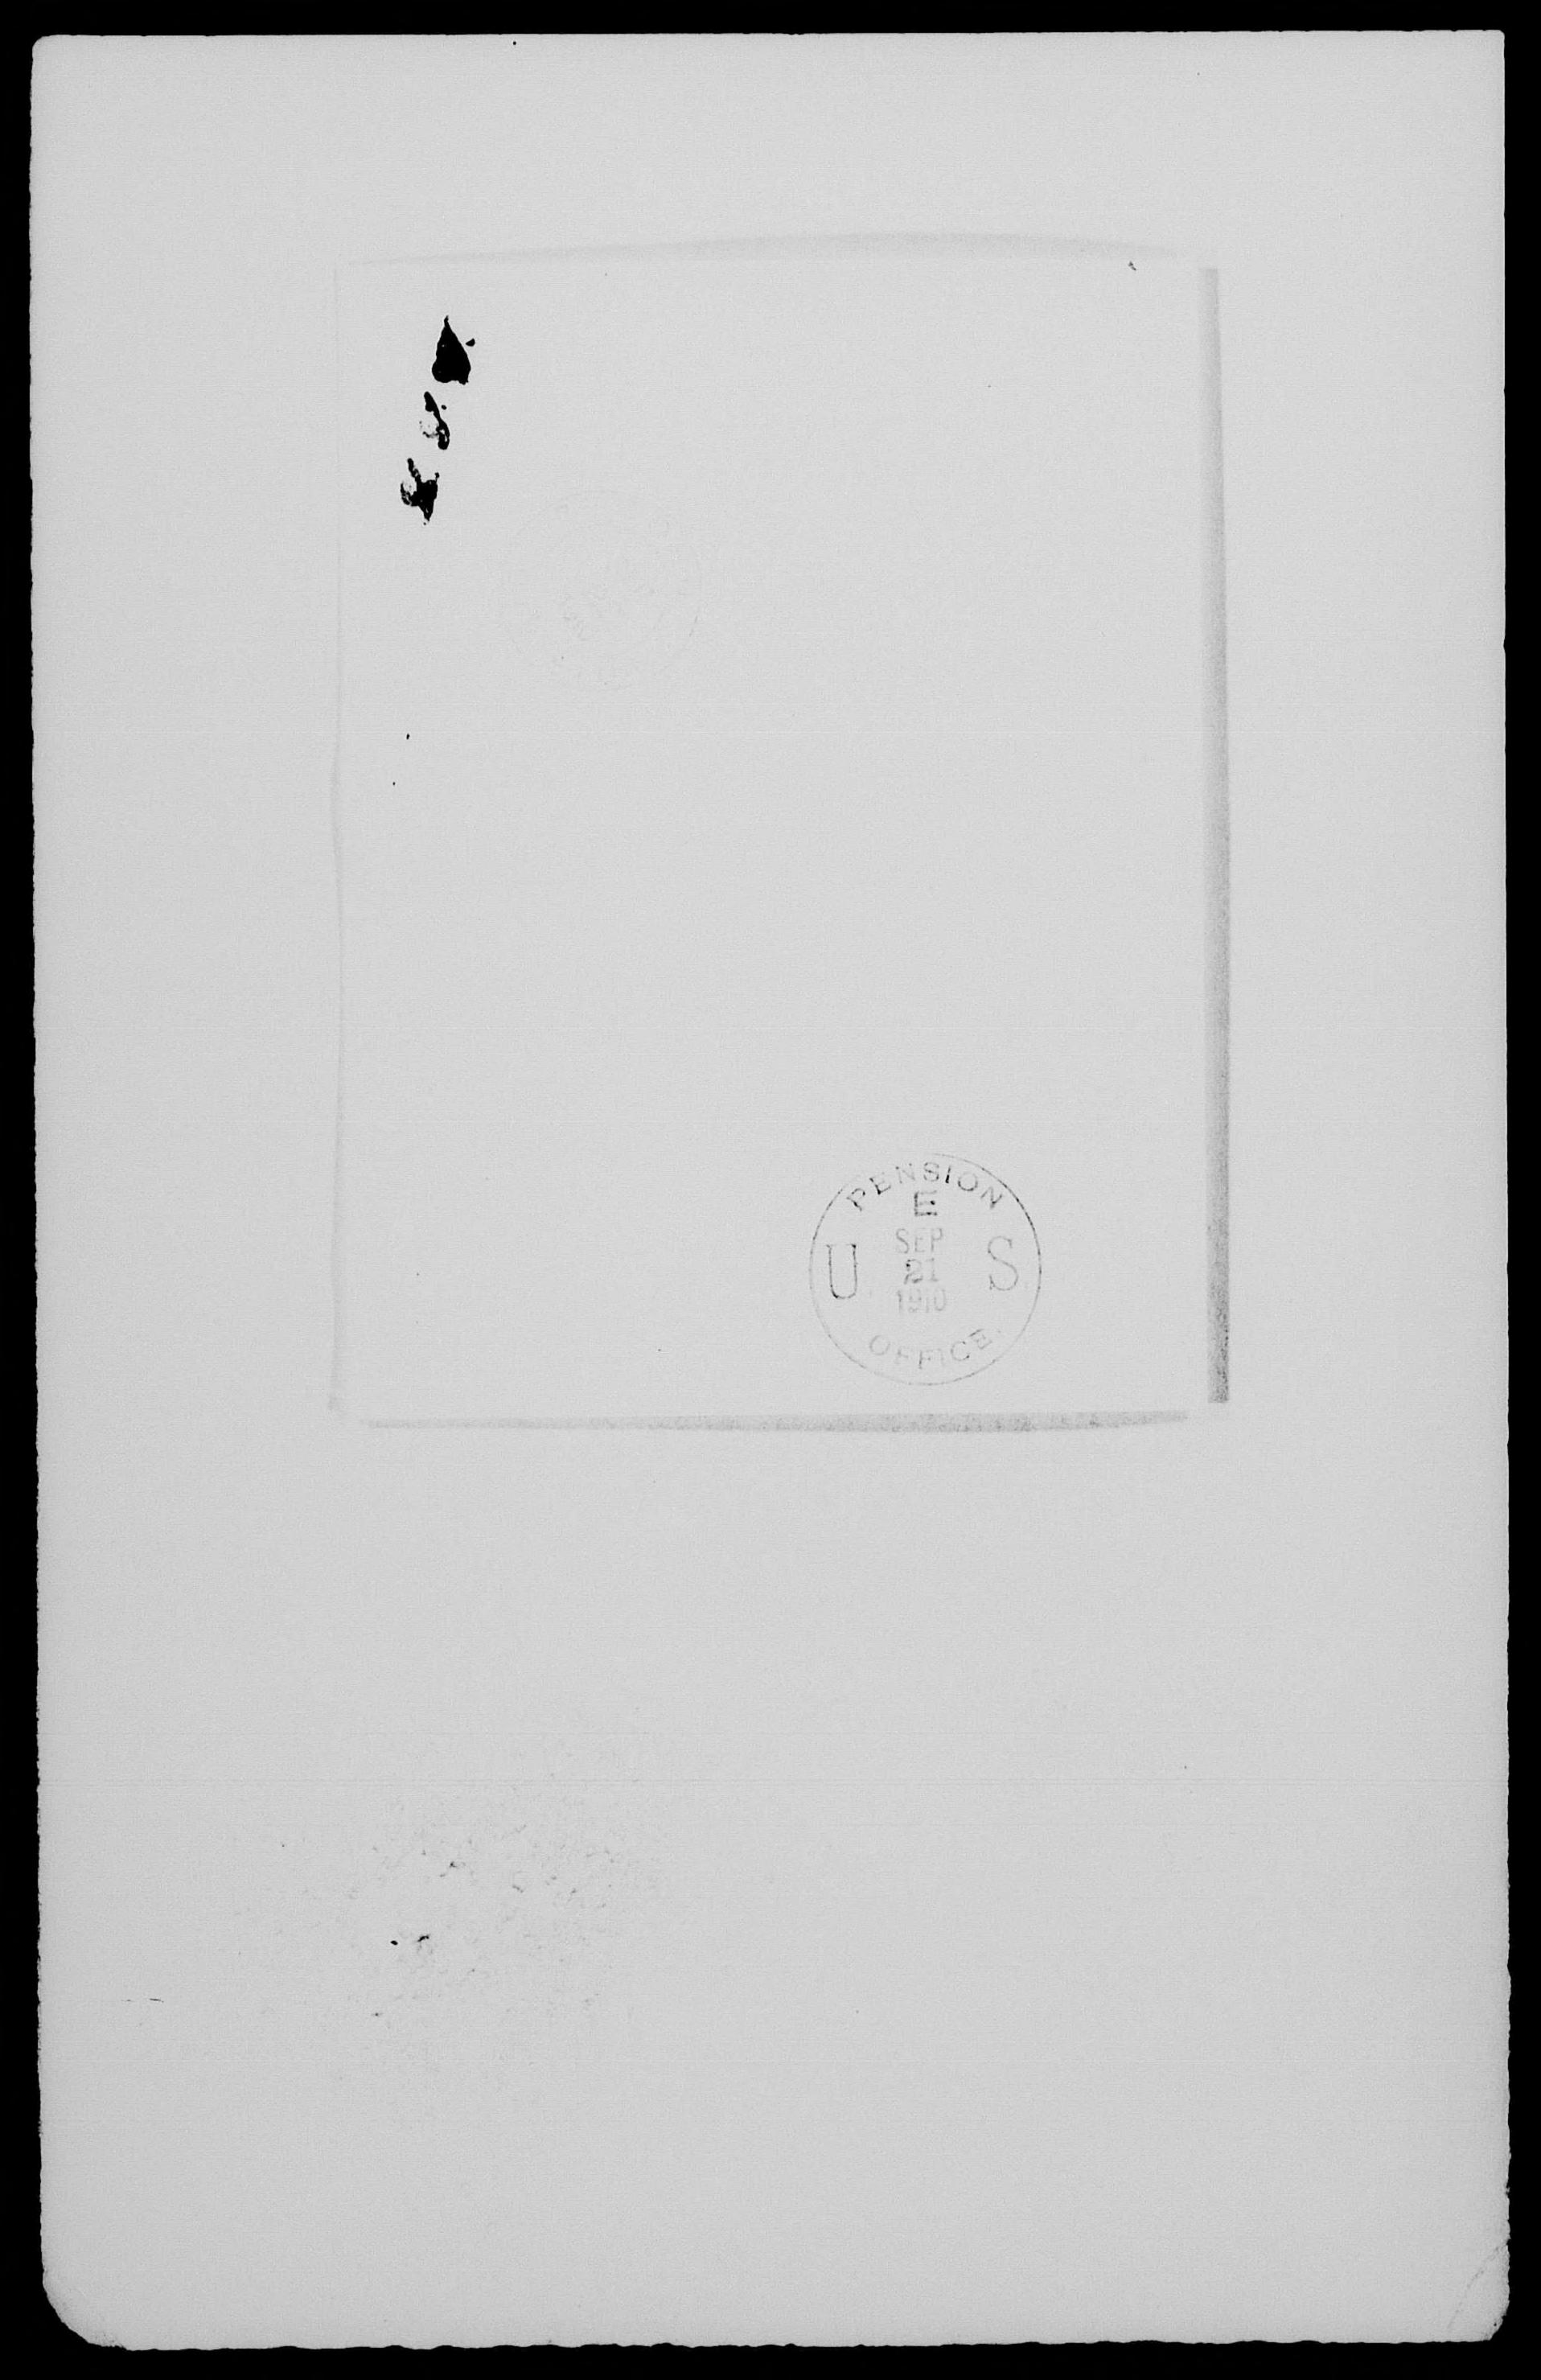[U.S. Pension Office stamp SEP 21 1910]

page: 27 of 45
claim: survivor's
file: S. 15748, Elihu Benham, Conn.